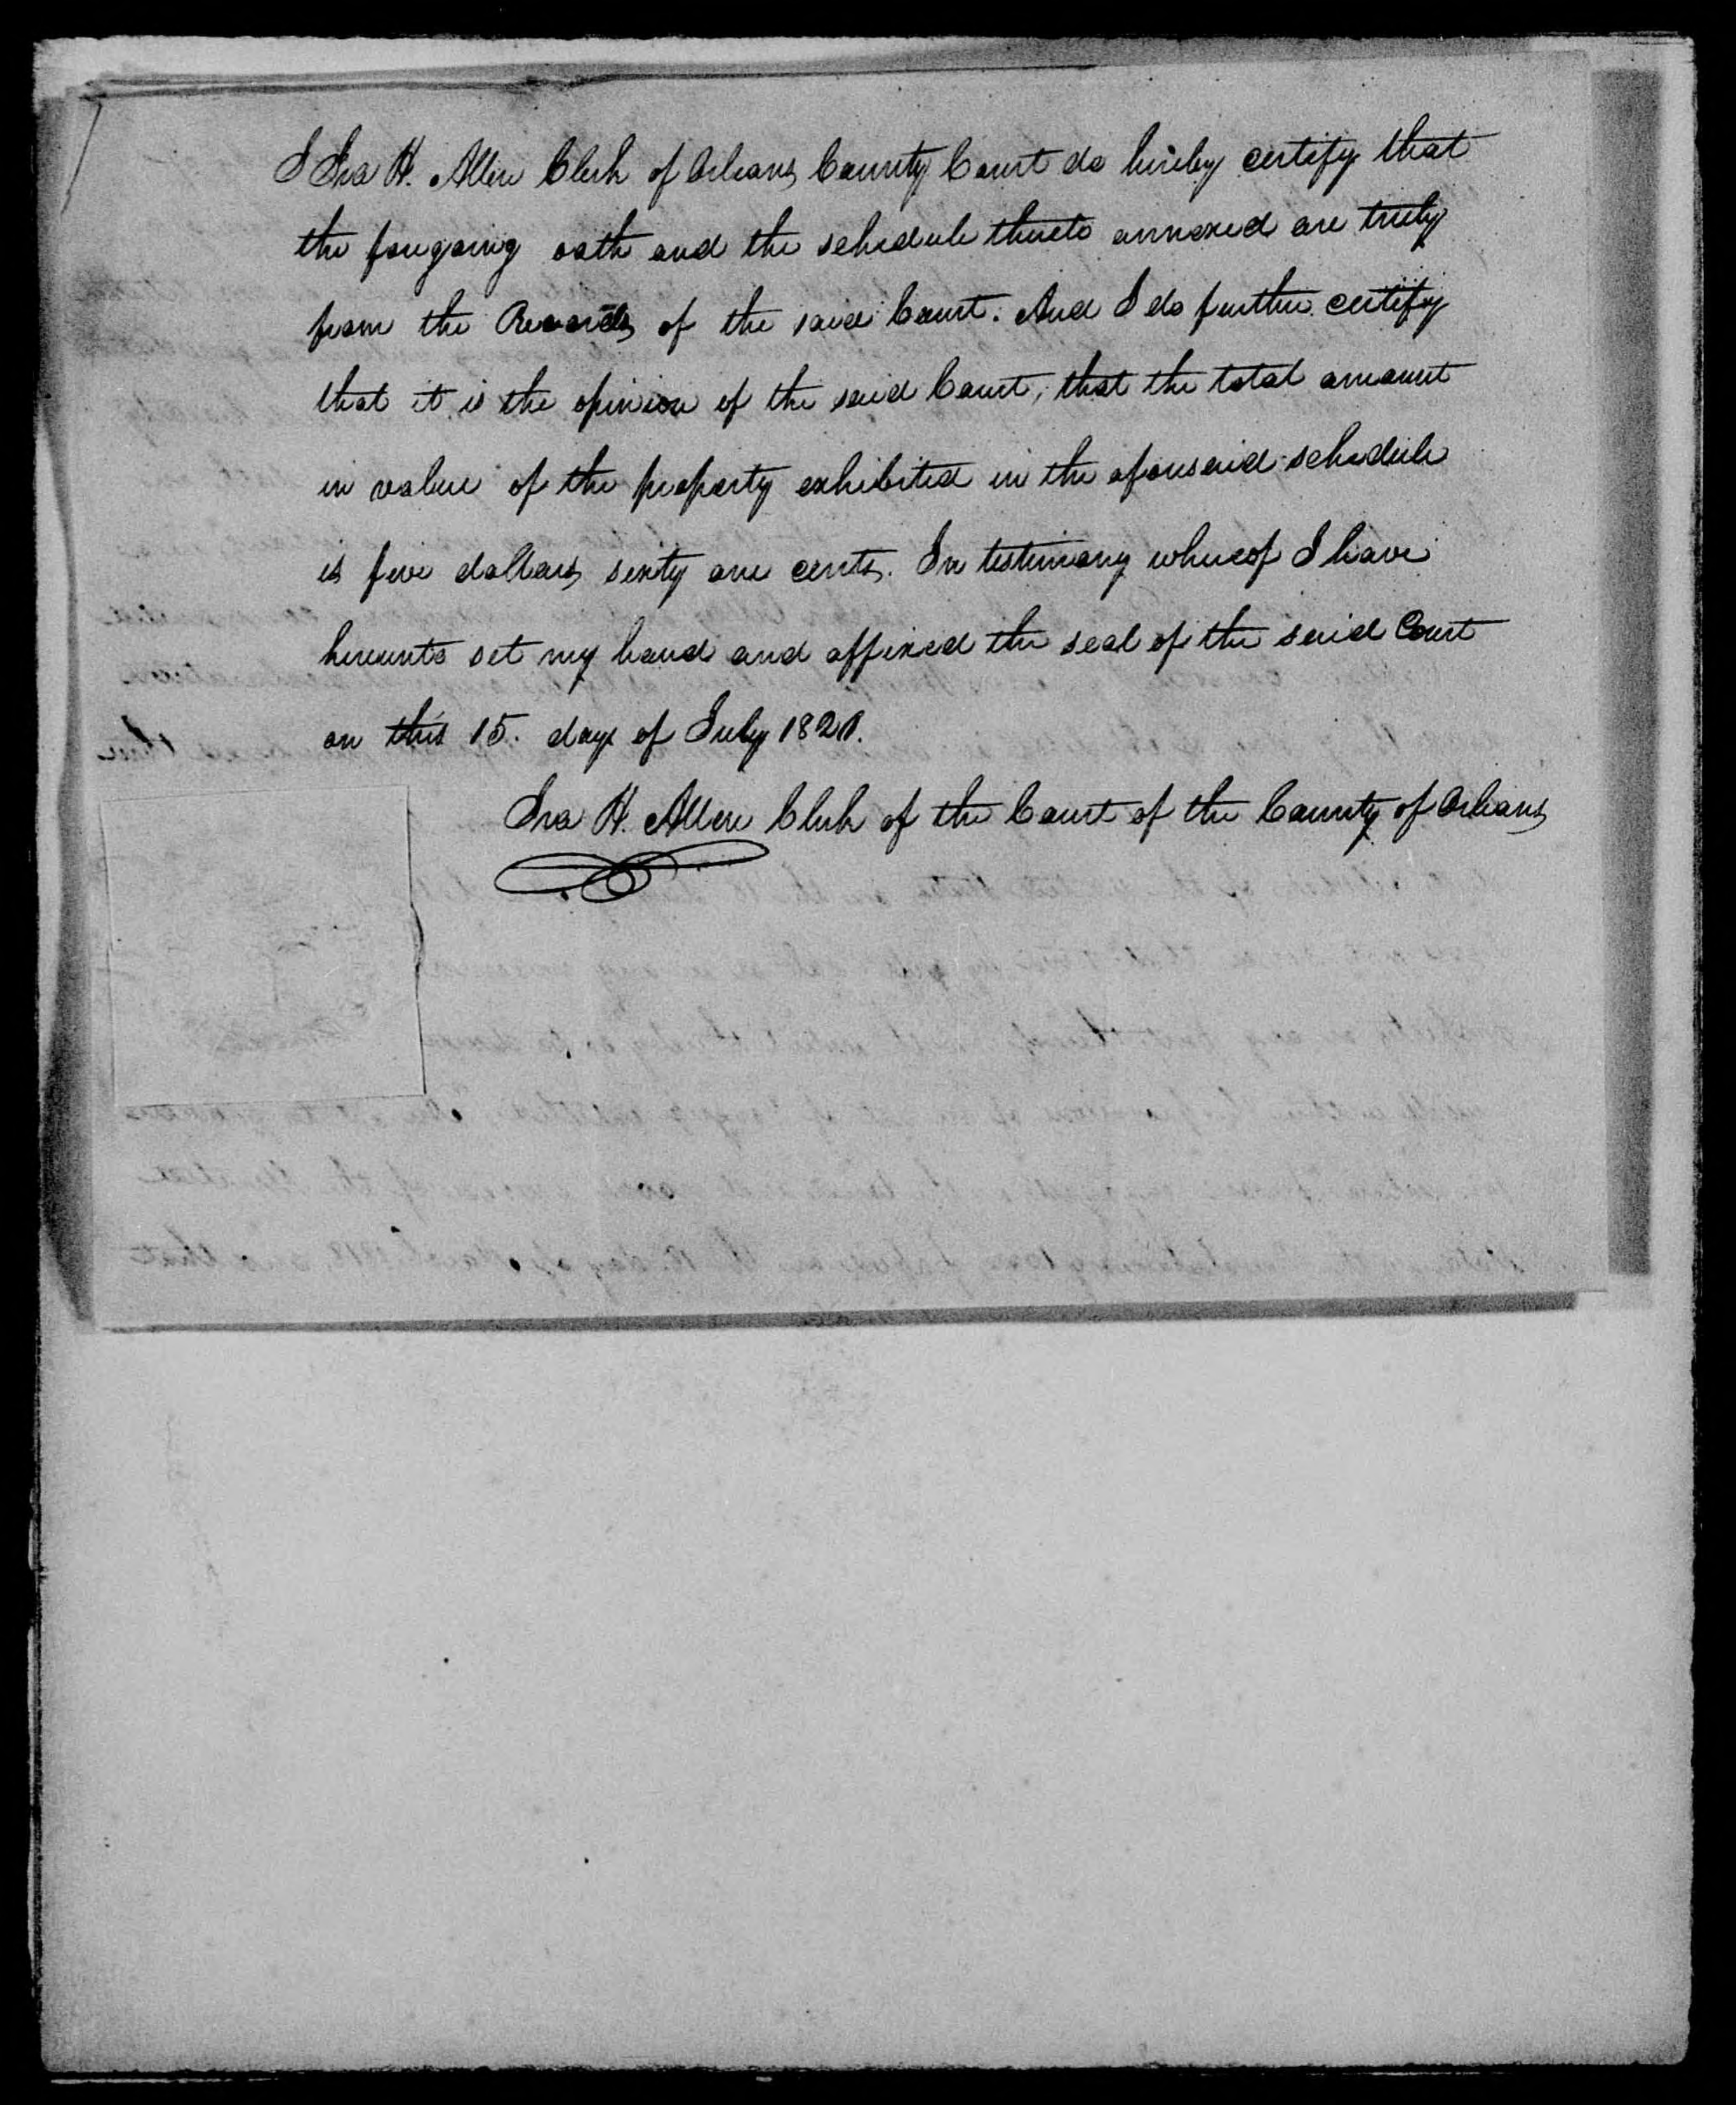I Ira H. Allen Clerk of Orleans County Court do hereby certify that the foregoing oath and the schedule thereto annexed are truly from the Reccords of the said Court.  And I do further certify that it is the opinion of the said Court that the total amount in value of the property exhibited in the aforesaid schedule is five dollars sixty one cents.  In testimony whereof I have hereunto set my hand and affixed the seal of the said Court on this 15. day of July 1820.
Ira H. Allen  Clerk of the Court of the County of Orleans

[illegible seal affixed to the left of the above signature]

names: Ira H Allen, Ira H Allen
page: 18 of 29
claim: widow's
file: W. 24,282, Nathaniel Glines, N.H.